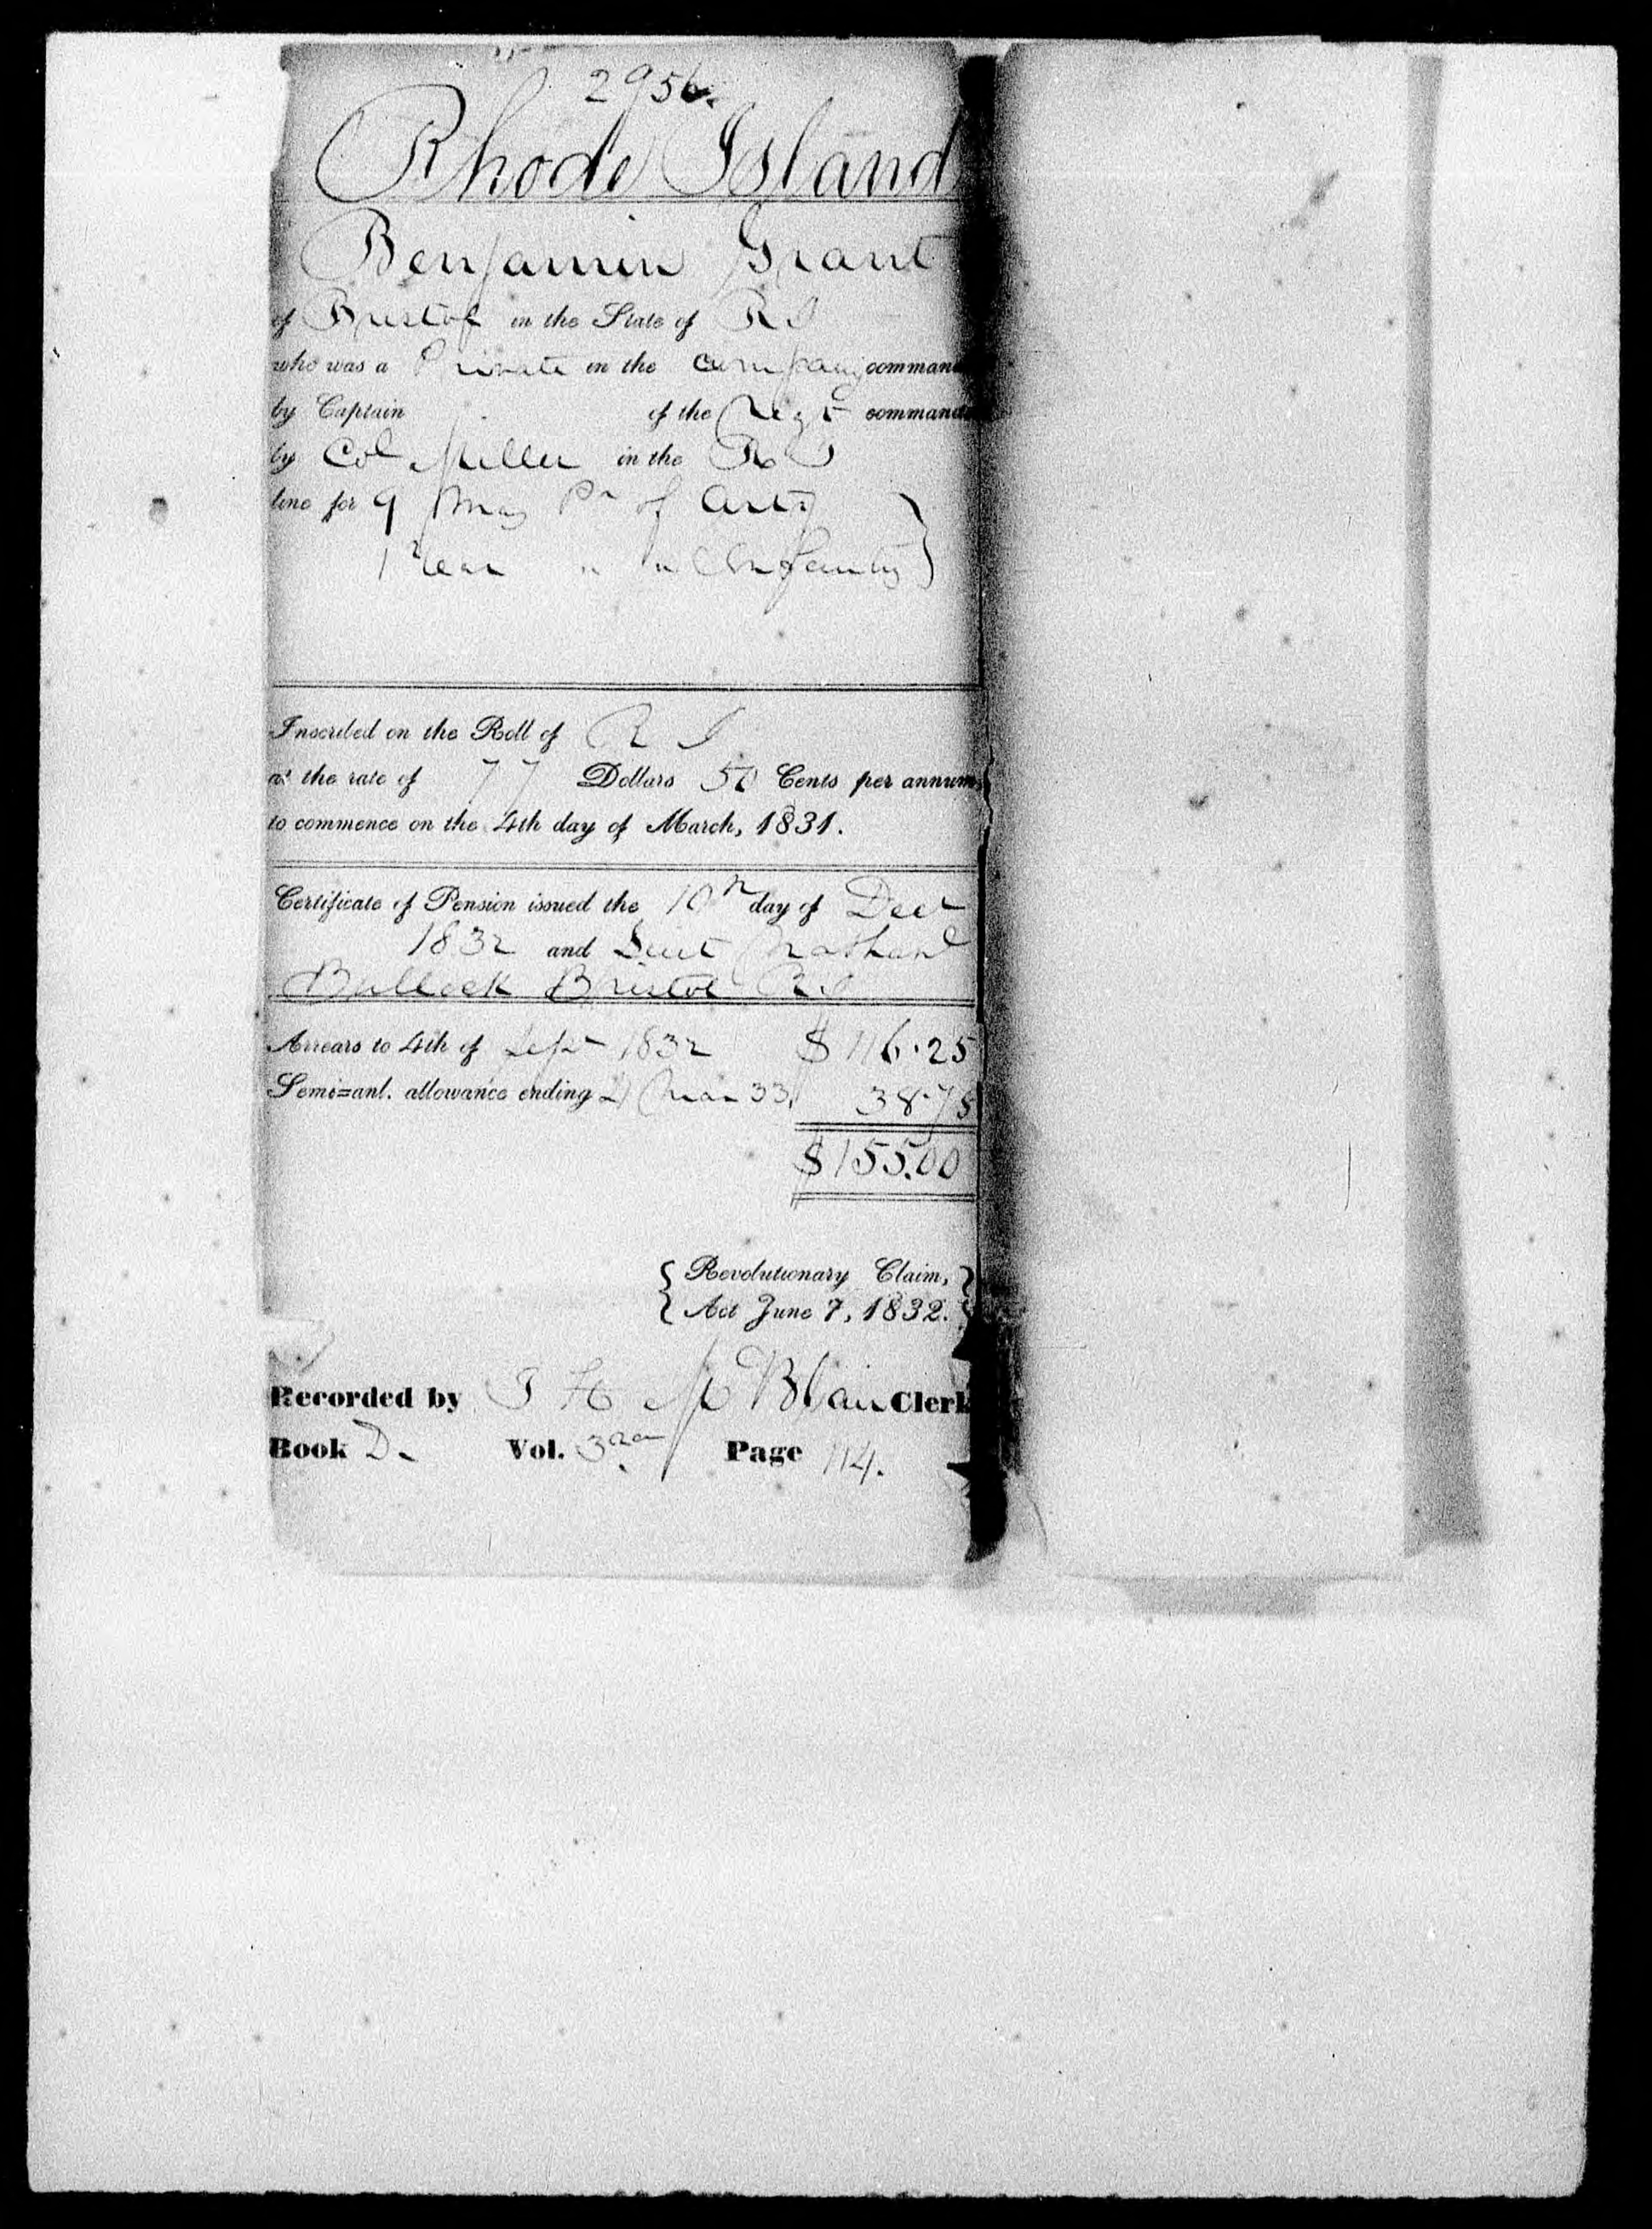2956
Rhode Island

Benjamin Grant of Bristol in the State of RI who was a Private in the company command
by Captain [blank] of the Regt commanded by Col Miller in the RI line for 9 mos Pr of Art. [Private of Artillery]
1 Year " " Company [Private of Company]

Inscribed on the Roll of RI at the rate of 77 Dollars 50 cents per annum, to commence on the 4th day of March, 1831.

Certificate of Pension issued the 10th day of Decr 1832 and Sent Nathanl Bullock Bristol RI

Arrears to 4th of Sepr 1832                      $116.25
Semi=anl. allowance ending 21 Mar 33       38.75
                                                                  $155.00

{Revolutionary Claim, Act June 7, 1832.}

Recorded by I H McBlair Clerk
Book D, Vol. 3rd Page 114.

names: Miller, Nathanl Bullock, I H Mc Blair, Benjamin Grant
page: 2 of 21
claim: survivor's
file: S. 17,446, Benjamin Grant, R.I.